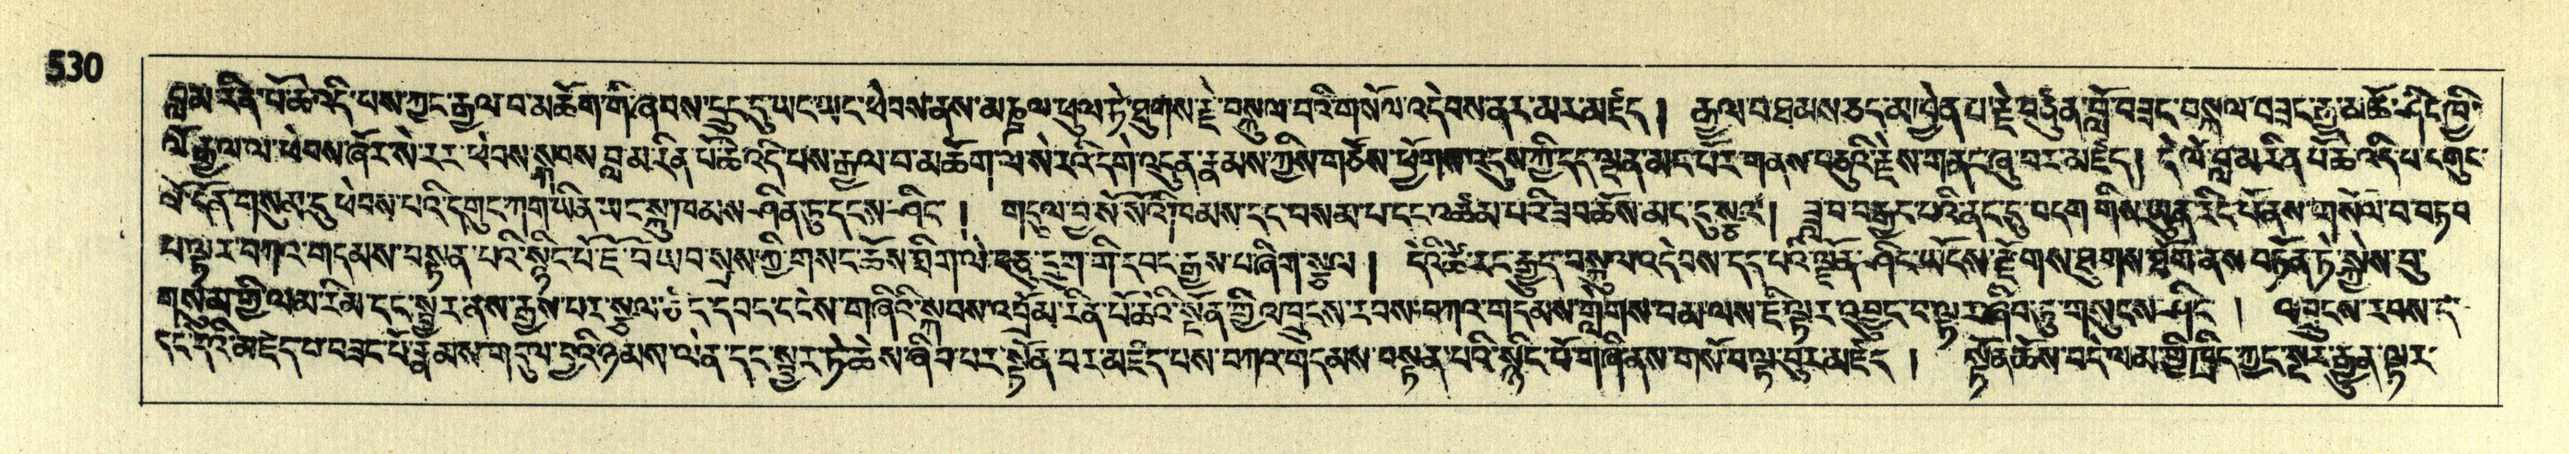བླ་མ་རིན་པོ་ཆེ་འདི་པས་ཀྱང་རྒྱལ་བ་མཆོག་གི་ཞབས་དྲུང་དུ་ཡང་ཡང་ཕེབས་ནས་མཎྜལ་ཕུལ་ཏེ་ཐུགས་རྗེ་བསྐུལ་བའི་གསོལ་འདེབས་ནར་མར་མཛད། རྒྱལ་བ་ཐམས་ཅད་མཁྱེན་པ་རྗེ་བཙུན་བློ་བཟང་བསྐལ་བཟང་རྒྱ་མཚོ་ཤིང་ཁྱི་
ལོ་རྒྱལ་ལ་ཕེབས་ཞོར་སེ་རར་ཕེབས་སྐབས་བླ་མ་རིན་པོ་ཆེ་འདི་པས་རྒྱལ་བ་མཆོག་ལ་སེ་རའི་དགེ་འདུན་རྣམས་ཀྱིས་གཙོས་ཕྱོགས་འདུས་ཀྱི་དད་ལྡན་མང་པོར་གནས་བཅུའི་རྗེས་གནང་ཞུ་བར་མཛད། དེ་ལོ་བླ་མ་རིན་པོ་ཆེ་འདི་པ་དགུང་
ལོ་དོན་གསུམ་དུ་ཕེབས་པའི་དགུང་ཀག་ཡིན་ཡང་སྐུ་ཁམས་ཤིན་ཏུ་དངས་ཤིང་། གདུལ་བྱ་སོ་སོའི་ཁམས་དང་བསམ་པ་དང་འཚམ་པའི་ཟབ་ཆོས་མང་དུ་སྩལ། ཟླ་བ་བརྒྱད་པའི་ནང་དུ་བདག་གིས་ཡུན་རིང་པོ་ནས་གསོལ་བ་བཏབ་
པ་ལྟར་བཀའ་གདམས་བསྟན་པའི་སྙིང་པོ་ཇོ་བོ་ཡབ་སྲས་ཀྱི་གསང་ཆོས་ཐིག་ལེ་བཅུ་དྲུག་གི་དབང་རྒྱས་པ་ཞིག་སྩལ། དེའི་ཚེ་རང་རྒྱུད་བསྐུལ་འདེབས་དད་པའི་ལྗོན་ཤིང་ཡོངས་རྫོགས་ཐུགས་ཐོག་ནས་བཏོན་ཏེ་སྐྱེས་བུ་
གསུམ་གྱི་ལམ་རིམ་དང་སྦྱར་ནས་རྒྱས་པར་སྩལ་ཅིང་དབང་དངེས་གཞིའི་སྐབས་འབྲོམ་རིན་པོ་ཆེའི་སྔོན་གྱི་འཁྲུངས་རབས་བཀའ་གདམས་གླེགས་བམ་ལས་ཇི་ལྟར་འབྱུང་བ་ལྟར་ཞིབ་ཏུ་གསུངས་ཤིང་། འཁྲུངས་རབས་ད་
དང་དེའི་མཛད་པ་བཟང་པོ་རྣམས་གདུལ་བྱའི་ཉམས་ལེན་དང་སྦྱར་ཏེ་ཆེས་ཞིབ་པར་སྟོན་པར་མཛད་པས་བཀའ་གདམས་བསྟན་པའི་སྙིང་པོ་གཞི་ནས་གསོ་བ་ལྟ་བུར་མཛད། སྟོན་ཆོས་བདེ་ལམ་གྱི་ཁྲིད་ཀྱང་སྔར་རྒྱུན་ལྟར་